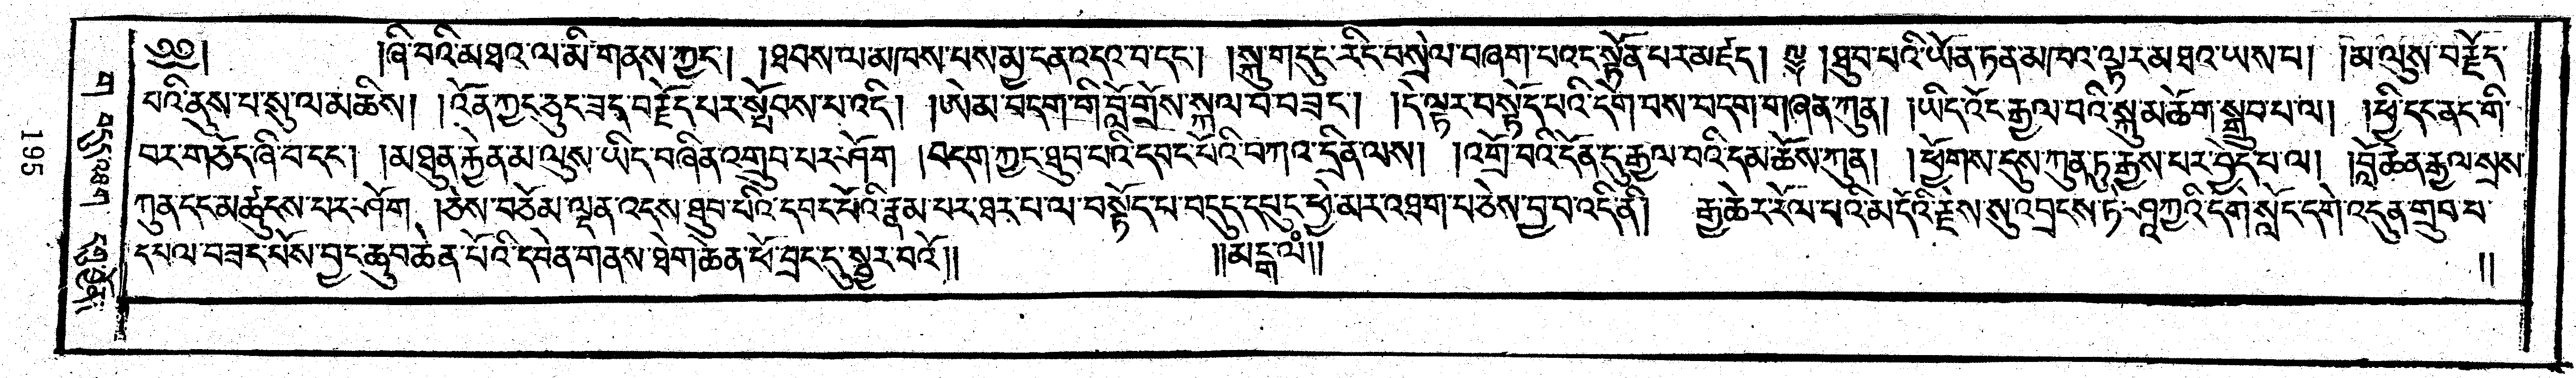༄༅། །ཞི་བའི་མཐའ་ལ་མི་གནས་ཀྱང་། །ཐབས་ལ་མཁས་པས་མྱ་ངན་འདའ་བ་དང་། །སྐུ་གདུང་རིང་བསྲེལ་བཞག་པའང་སྟོན་པར་མཛད། ༈ །ཐུབ་པའི་ཡོན་ཏན་མཁའ་ལྟར་མཐའ་ཡས་པ། །མ་ལུས་བརྗོད་
བའི་ནུས་པ་སུ་ལ་མཆིས། །འོན་ཀྱང་ཅུང་ཟད་བརྗོད་པར་སྤོབས་པ་འདི། །ཨེ་མ་བདག་གི་བློ་གྲོས་སྐལ་བ་བཟང་། །དེ་ལྟར་བསྟོད་པའི་དགེ་བས་བདག་གཞན་ཀུན། །ཡིད་འོང་རྒྱལ་བའི་སྐུ་མཆོག་སྒྲུབ་པ་ལ། །ཕྱི་དང་ནང་གི་
བར་གཅོད་ཞི་བ་དང་། །མཐུན་རྐྱེན་མ་ལུས་ཡིད་བཞིན་འགྲུབ་པར་ཤོག །བདག་ཀྱང་ཐུབ་པའི་དབང་པོའི་བཀའ་དྲིན་ལས། །འགྲོ་བའི་དོན་དུ་རྒྱལ་བའི་དམ་ཆོས་ཀུན། །ཕྱོགས་དུས་ཀུན་ཏུ་རྒྱས་པར་བྱེད་པ་ལ། །བློ་ཆེན་རྒྱལ་སྲས་
ཀུན་དང་མཚུངས་པར་ཤོག །ཅེས་བཅོམ་ལྡན་འདས་ཐུབ་པའི་དབང་པོའི་རྣམ་པར་ཐར་པ་ལ་བསྟོད་པ་བདུད་དཔུང་ཕྱེ་མར་འཐག་པ་ཅེས་བྱ་བ་འདི་ནི། རྒྱ་ཆེར་རོལ་པའི་མདོའི་རྗེས་སུ་འབྲངས་ཏེ་ཤཱཀྱའི་དགེ་སློང་དགེ་འདུན་གྲུབ་པ་
དཔལ་བཟང་པོས་བྱང་ཆུབ་ཆེན་པོའི་དབེན་གནས་ཐེག་ཆེན་ཕོ་བྲང་དུ་སྦྱར་བའོ།། །།མངྒ་ལཾ།། །།